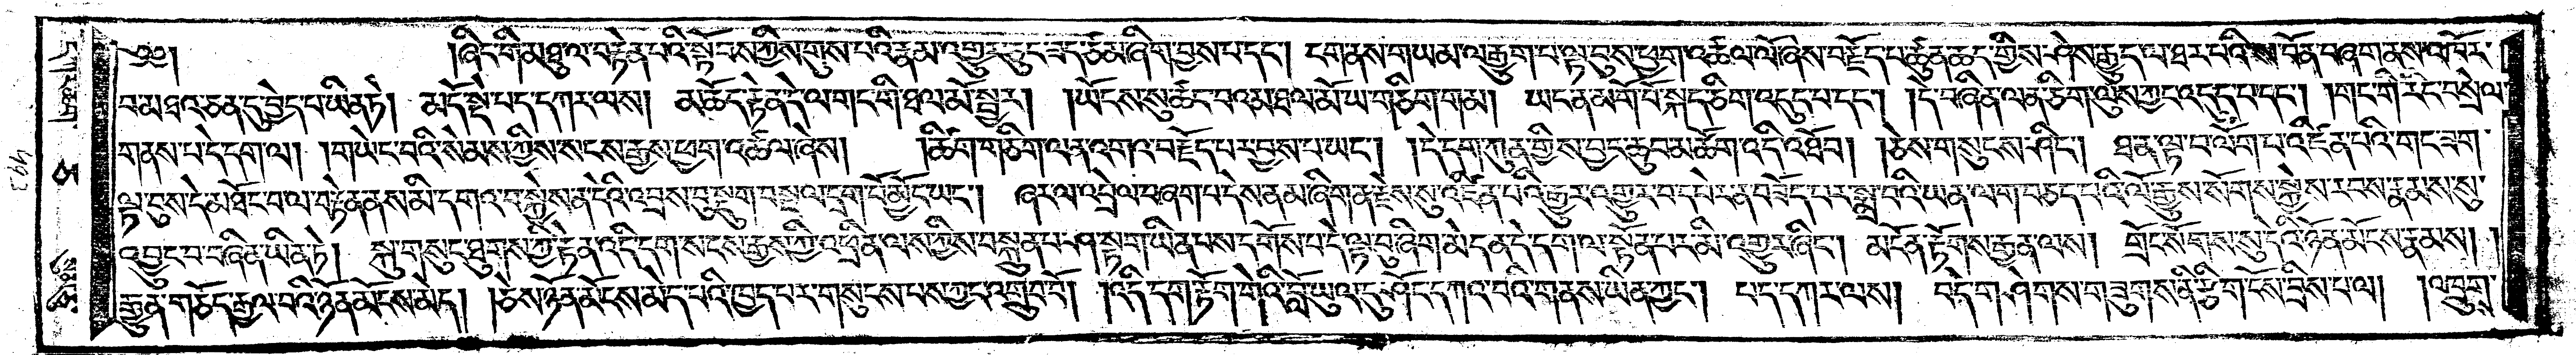༄༅། །ཞིང་གི་མཐུ་ལ་བརྟེན་པའི་སྟོབས་ཀྱིས་གུས་པའི་རྣམ་འགྱུར་ཅུང་ཟད་ཙམ་ཞིག་བྱས་པ་དང་། ངག་ནས་གཡམ་ལ་རྒྱུག་པ་ལྟ་བུས་ཕྱག་འཚལ་ལོ་ཞེས་བརྗོད་པ་ཚུན་ཆད་གྱིས་ཤེས་རྒྱུད་ལ་ཐར་པའི་ས་བོན་བཞག་ནས་འཁོར་
བ་མཐའ་ཅན་དུ་བྱེད་པ་ཡིན་ཏེ། མདོ་སྡེ་པད་དཀར་ལས། མཆོད་རྟེན་དེ་ལ་གང་གི་ཐལ་མོ་སྦྱར། །ཡོངས་སུ་ཚང་བའམ་ཐལ་མོ་ཡ་གཅིག་གམ། ཡང་ན་མགོ་བོ་སྐད་ཅིག་འདུད་པ་དང་། །དེ་བཞིན་ལན་ཅིག་ལུས་ཀྱང་འདུད་པ་དང་། །གང་གི་རིང་བསྲེལ་
གནས་པ་དེ་དག་ལ། །གཡེང་བའི་སེམས་ཀྱིས་སངས་རྒྱས་ཕྱག་འཚལ་ཞེས། །ཚིག་གཅིག་ལན་འགའ་བརྗོད་པར་བྱས་པ་ཡང་། །དེ་དག་ཀུན་གྱིས་བྱང་ཆུབ་མཆོག་འདི་འཐོབ། །ཅེས་གསུངས་ཤིང་། ཐ་ན་ལྟ་བ་ལོག་པ་འཛིན་པའི་གང་ཟག་
ལྟ་བུས་དེ་མཐོང་བ་ལ་བརྟེན་ནས་མི་དགའ་བ་སྐྱེས་ན་དེའི་འབྲས་བུ་སྡུག་བསྔལ་དྲག་པོ་མྱོང་ཡང་། ཞར་ལ་འབྲེལ་བཞག་པ་དེས་ནམ་ཞིག་ན་རྗེས་སུ་འཛིན་པའི་རྒྱུར་འགྱུར་བ་དཔེར་ན་བཟོད་པར་སྨྲ་བའི་ཡན་ལག་བཅད་པའི་ལོ་རྒྱུས་སོགས་སྐྱེས་རབས་རྣམས་སུ་
འབྱུང་བ་བཞིན་ཡིན་ཏེ། སྐུ་གསུང་ཐུགས་ཀྱི་རྟེན་འདི་དག་སངས་རྒྱས་ཀྱི་འཕྲིན་ལས་ཀྱིས་བསྐྲུན་པ་ཤ་སྟག་ཡིན་པས་དགོས་པ་དེ་ལྟ་བུ་ཞིག་མེད་ན་དེ་དག་ལ་སྟོན་པར་མི་འགྱུར་ཞིང་། མངོན་རྟོགས་རྒྱན་ལས། གྲོང་སོགས་སུ་དེའི་ཉོན་མོངས་རྣམས། །
རྒྱུན་གཅོད་རྒྱལ་བའི་ཉོན་མོངས་མེད། །ཅེས་ཉོན་མོངས་མེད་པའི་ཁྱད་པར་གསུངས་པས་ཀྱང་འགྲུབ་བོ། །འདི་དག་རྟོག་གེའི་བློ་ཡུལ་དུ་ཤོང་དཀའ་བའི་གནས་ཡིན་ཀྱང་། པད་དཀར་ལས། བདེ་གཤེགས་གཟུགས་ནི་རྩིག་ངོས་བྲིས་པ་ལ། །འཁྲུགས་